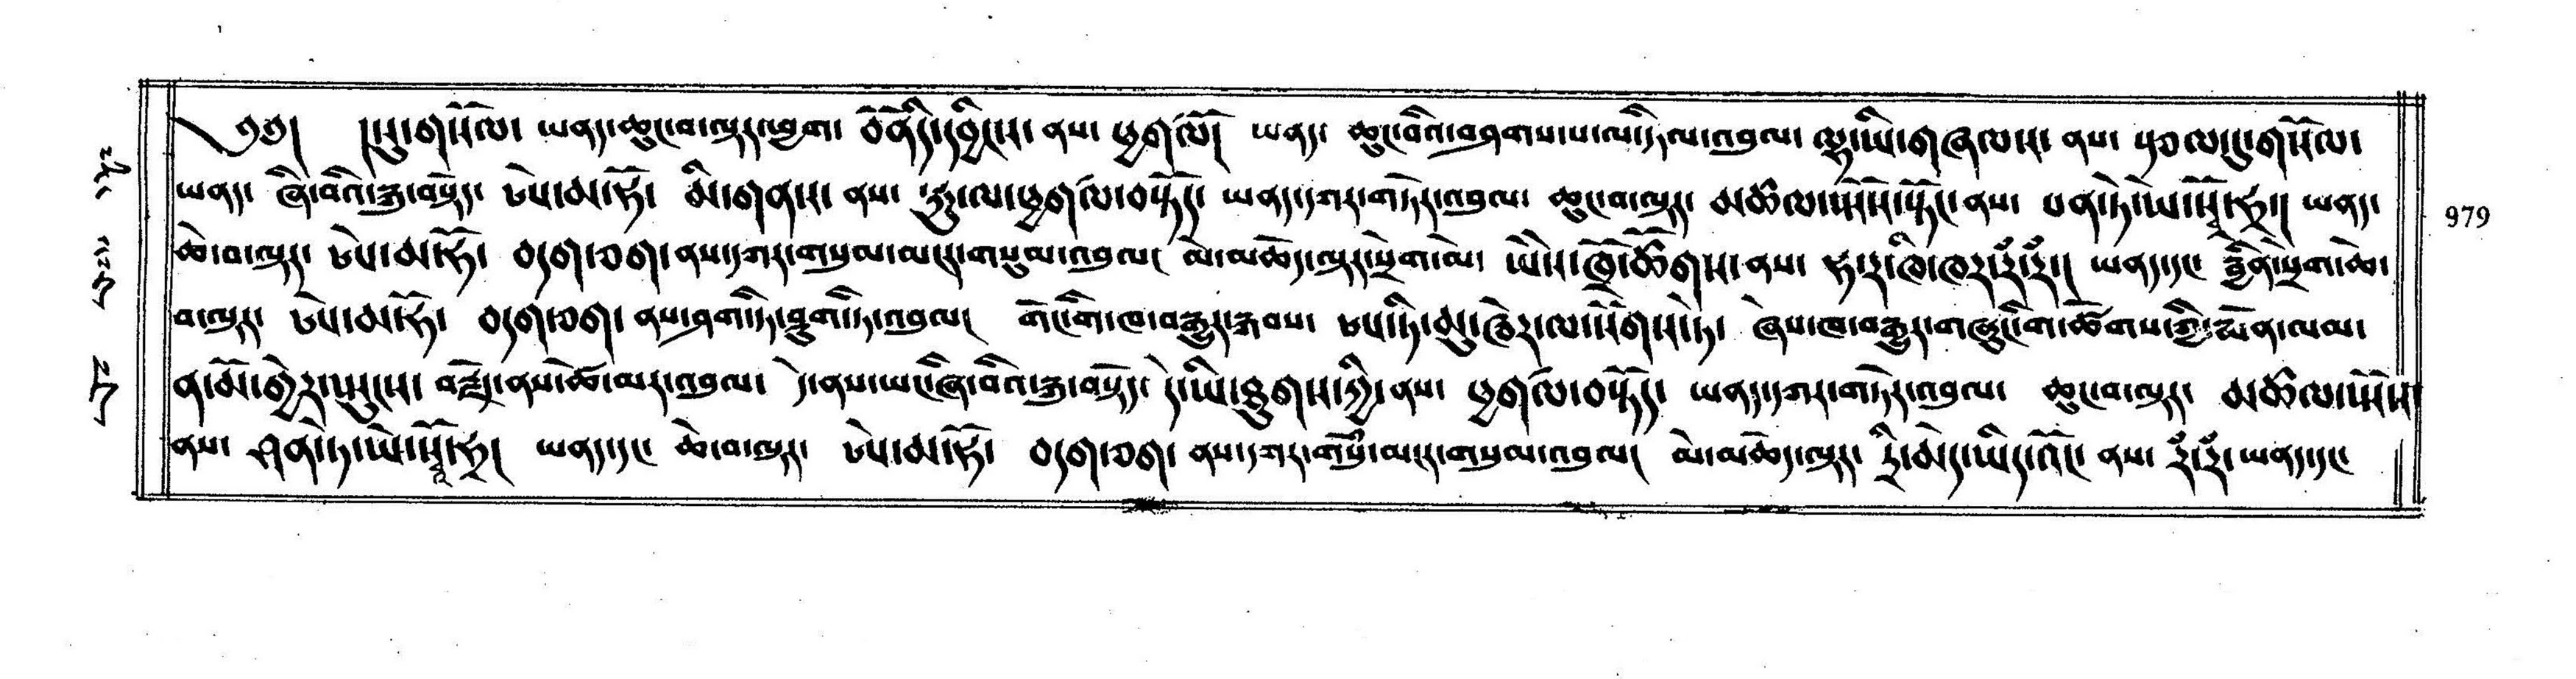སུ་གསོལ་ཡན་ཆད་ཆུང་བ་ལྟར་ཕྱག་བོན་ཉིད་དབྱིངས་ནས་ཕྱག་འཚལ་ལོ། ཡན་ཆད་ཆུང་བའི་བཤགས་པ་ལ་ཏིལ་འབུལ་ལྷ་ཡི་གཞལ་ཡས་ནས་སྩལ་དུ་གསོལ་
ཡན་ཆད་ཞི་བའི་སྐུ་བསྟོད་ཨེ་མ་ཧོ་མི་གནས་ནས་སྐུ་ལ་ཕྱག་འཚལ་བསྟོད་ཡན་ཆད་དཀར་གཏོར་འབུལ་ཆུང་བ་ལྟར་མཚལ་སྤོས་སྟོང་ནས་པན་ཏེ་ཡེ་སྭཱ་ཧཱ། ཡན་ཆད་
ཆེ་བ་ལྟར་ཨེ་མ་ཧོ་བདག་ཅག་ནས་དཀར་གསུམ་མངར་གསུམ་འབུལ། མེ་མཆོད་ལྟར་སྲེག་མེ་ཡེ་ཤེས་ཁྲོ་ཚོགས་ནས་ཧ་ར་ཁི་ཁར་རཾ་རཾ། ཡན་ཆད་དང་སྦྱིན་སྲེག་
ཆེ་བ་ལྟར་ཨེ་མ་ཧོ་བདག་ཅག་ནས་ཤག་ཏི་ཤུག་ཏི་འབུལ། གོང་གི་ཁ་བསྒྱུར་སྐབས་ཨ་ཏི་མུ་ཝེར་ལ་སོགས་ཏེ་ཞེས་ཁ་བསྒྱུར་གཞུང་གི་ཚོགས་ཀྱི་སྨོན་ལམ་
ན་མོ་གྱེར་སྤུངས་བརྗོད་ནས་ཚེ་མར་འབུལ་དེ་ནས་ཡང་ཞི་བའི་སྐུ་བསྟོད་དེ་ཡི་ཐུགས་ཀྱི་ནས་ཕྱག་འཚལ་བསྟོད་ཡན་ཆད་དཀར་གཏོར་འབུལ་ཆུང་བ་ལྟར་མཚལ་སྤོས་
ནས་ཤན་ཏེ་ཡེ་སྭཱོ་ཧཱ། ཡན་ཆད་དང་ཆེ་བ་ལྟར་ཨེ་མ་ཧོ་བདག་ཅག་ནས་དཀར་གསུམ་མངར་གསུམ་འབུལ། མེ་མཆོད་ལྟར་དྲི་མེད་ཡིད་འོང་ནས་རཾ་རཾ་ཡན་ཆད་དང་